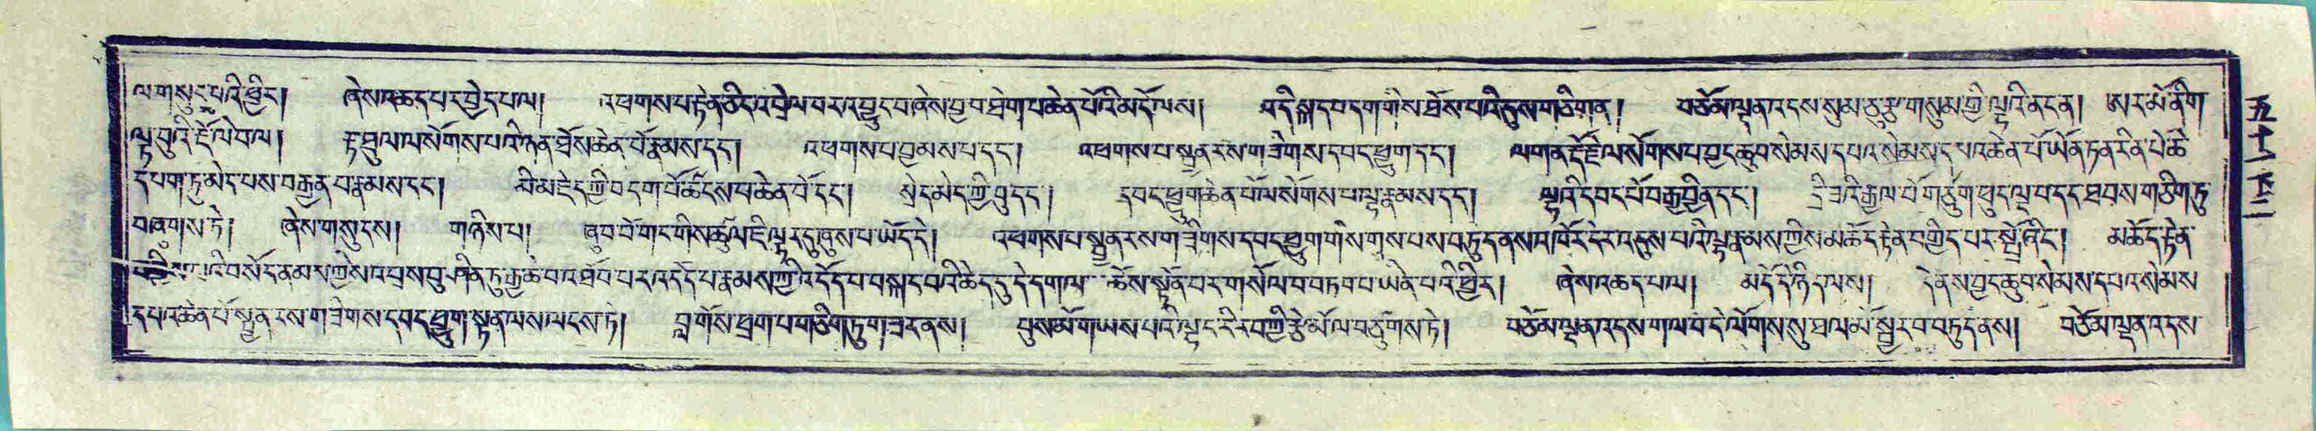ལ་གསུང་བའི་ཕྱིར། ཞེས་འཆད་པར་བྱེད་པ་ལ། འཕགས་
པ་རྟེན་ཅིང་འབྲེལ་བར་འབྱུང་བ་ཞེས་བྱ་བ་ཐེག་པ་ཆེན་པོའི་མདོ་ལས། འདི་སྐད་བདག་གིས་ཐོས་པའི་དུས་གཅིག་ན། བཅོམ་ལྡན་འདས་སུམ་ཅུ་རྩ་གསུམ་གྱི་ལྷའི་ནང་ན། ཨ་ར་མོ་ནིག་ལྟ་
བུའི་རྡོ་ལེབ་ལ། རྟ་ཐུལ་ལ་སོགས་པའི་ཉན་ཐོས་ཆེན་པོ་རྣམས་དང་། འཕགས་པ་བྱམས་པ་དང་། འཕགས་པ་སྦྱན་རས་གཟིགས་དབང་ཕྱུག་དང་། ལག་ན་རྡོ་རྗེ་ལ་སོགས་པ་བྱང་ཆུབ་
སེམས་དཔའ་སེམས་དཔའ་ཆེན་པོ་ཡོན་ཏན་རིན་པོ་ཆེ་དཔག་ཏུ་མེད་པས་བརྒྱན་པ་རྣམས་དང་། མི་མཇེད་ཀྱི་བདག་པོ་ཚངས་པ་ཆེན་པོ་དང་། སྲེད་མེད་ཀྱི་བུ་དང་། དབང་ཕྱུག་ཆེན་པོ་ལ་
སོགས་པ་ལྷ་རྣམས་དང་། ལྷའི་དབང་པོ་བརྒྱ་བྱིན་དང་། དྲི་ཟའི་རྒྱལ་པོ་གཙུག་ཕུད་ལྡ་པ་དང་ཐབས་གཅིག་ཏུ་བཞུགས་ཏེ། ཞེས་གསུངས། གཉིས་པ། ཞུ་བ་པོ་གང་གིས་ཚུལ་ཇི་ལྟར་༄༅། །དུ་ཞུས་བ་ཡོད་དེ། འཕགས་པ་སྦྱན་རས་གཟིགས་དབང་ཕྱུག་གིས་གུས་པས་བཏུད་ནས་འཁོར་དེར་འདུས་པའི་ལྷ་རྣམས་ཀྱིས་མཆོད་རྟེན་བགྱིད་པར་སྤྲོ་ཞིང་། །
མཆོད་རྟེན་བགྱིས་པའི་བསོད་ནམས་ཀྱིས་འབྲས་བུ་ཤིན་ཏུ་རྒྱ་ཆེ་བ་འཐོབ་པར་འདོད་པ་རྣམས་ཀྱི་འདོད་པ་བསྐང་བའི་ཆེད་དུ་དེ་དག་ལ་ཆོས་སྟོན་པར་གསོལ་བ་བཏབ་པ་ཡིན་པའི་ཕྱིར།
ཞེས་འཆད་པ་ལ། མདོ་དེ་ཉིད་ལས། དེ་ནས་བྱང་ཆུབ་སེམས་དཔའ་སེམས་དཔའ་ཆེན་པོ་སྦྱན་རས་གཟིགས་དབང་ཕྱུག་སྟན་ལས་ལངས་ཏེ། བླ་གོས་ཕྲག་པ་གཅིག་ཏུ་གཟར་ནས།
པུས་མོ་གཡས་པའི་ལྷ་ང་རི་རབ་ཀྱི་རྩེ་མོ་ལ་བཙུགས་ཏེ། བཅོམ་ལྡན་འདས་གལ་བ་དེ་ལོགས་སུ་ཐལ་མོ་སྦྱར་བ་བཏུང་ནས། བཅོམ་ལྡན་འདས་